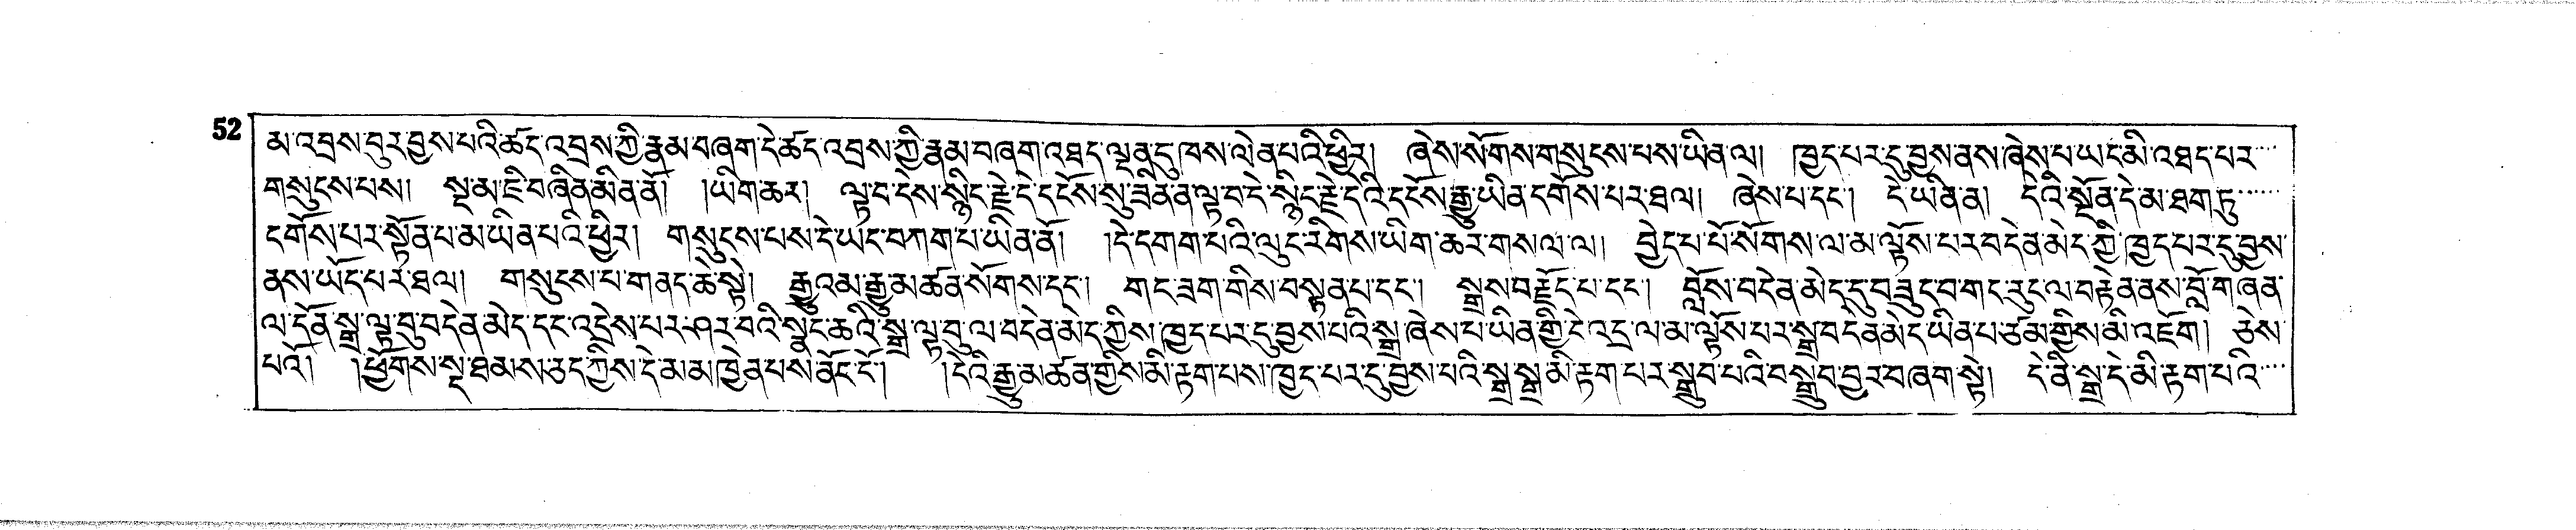མ་འབྲས་བུར་བྱས་པའི་ཚད་འབྲས་ཀྱི་རྣམ་བཞག་དེ་ཚད་འབྲས་ཀྱི་རྣམ་བཞག་འཐད་ལྡན་དུ་ཁས་ལེན་པའི་ཕྱིར། ཞེས་སོགས་གསུངས་པས་ཡིན་ལ། ཁྱད་པར་དུ་བྱས་ནས་ཞེས་པ་ཡང་མི་འཐད་པར་
གསུངས་པས། སྔ་མ་ཇི་བཞིན་མིན་ནོ། །ཡིག་ཆར། ལྟ་བ་དེས་སྙིང་རྗེ་དེ་དངོས་སུ་ཟིན་ན་ལྟ་བ་དེ་སྙིང་རྗེ་དེའི་དངོས་རྒྱུ་ཡིན་དགོས་པར་ཐལ། ཞེས་པ་དང་། དེ་ཡིན་ན། དེའི་སྔོན་དེ་མ་ཐག་ཏུ་
དགོས་པར་སྟོན་པ་མ་ཡིན་པའི་ཕྱིར། གསུངས་པས་དེ་ཡང་བཀག་པ་ཡིན་ནོ། །དེ་དགག་པའི་ལུང་རིགས་ཡིག་ཆར་གསལ་ལ། བྱེད་པ་པོ་སོགས་ལ་མ་ལྟོས་པར་བདེན་མེད་ཀྱི་ཁྱད་པར་དུ་བྱས་
ནས་ཡོད་པར་ཐལ། གསུངས་པ་གནད་ཆེ་སྟེ། རྒྱུའམ་རྒྱུ་མཚན་སོགས་དང་། གང་ཟག་གིས་བསྟན་པ་དང་། སྒྲས་བརྗོད་པ་དང་། བློས་བདེན་མེད་དུ་བཟུང་བ་གང་རུང་ལ་བརྟེན་ནས་བློ་གཞན་
ལ་དོན་སྒྲ་ལྟ་བུ་བདེན་མེད་དང་འདྲེས་པར་ཤར་བའི་སྣང་ཆའི་སྒྲ་ལྟ་བུ་ལ་བདེན་མེད་ཀྱིས་ཁྱད་པར་དུ་བྱས་པའི་སྒྲ་ཞེས་པ་ཡིན་གྱི་དེ་འདྲ་ལ་མ་ལྟོས་པར་སྒྲ་བདེན་མེད་ཡིན་པ་ཙམ་གྱིས་མི་འཇོག །ཅེས་
པའོ། །ཕྱོགས་སྡ་ཐམས་ཅད་ཀྱིས་དེ་མ་མཁྱེན་པས་ནོང་ངོ། །དེའི་རྒྱུ་མཚན་གྱིས་མི་རྟག་པས་ཁྱད་པར་དུ་བྱས་པའི་སྒྲ་སྒྲ་མི་རྟག་པར་སྒྲུབ་པའི་བསྒྲུབ་བྱར་བཞག་སྟེ། དེ་ནི་སྒྲ་དེ་མི་རྟག་པའི་